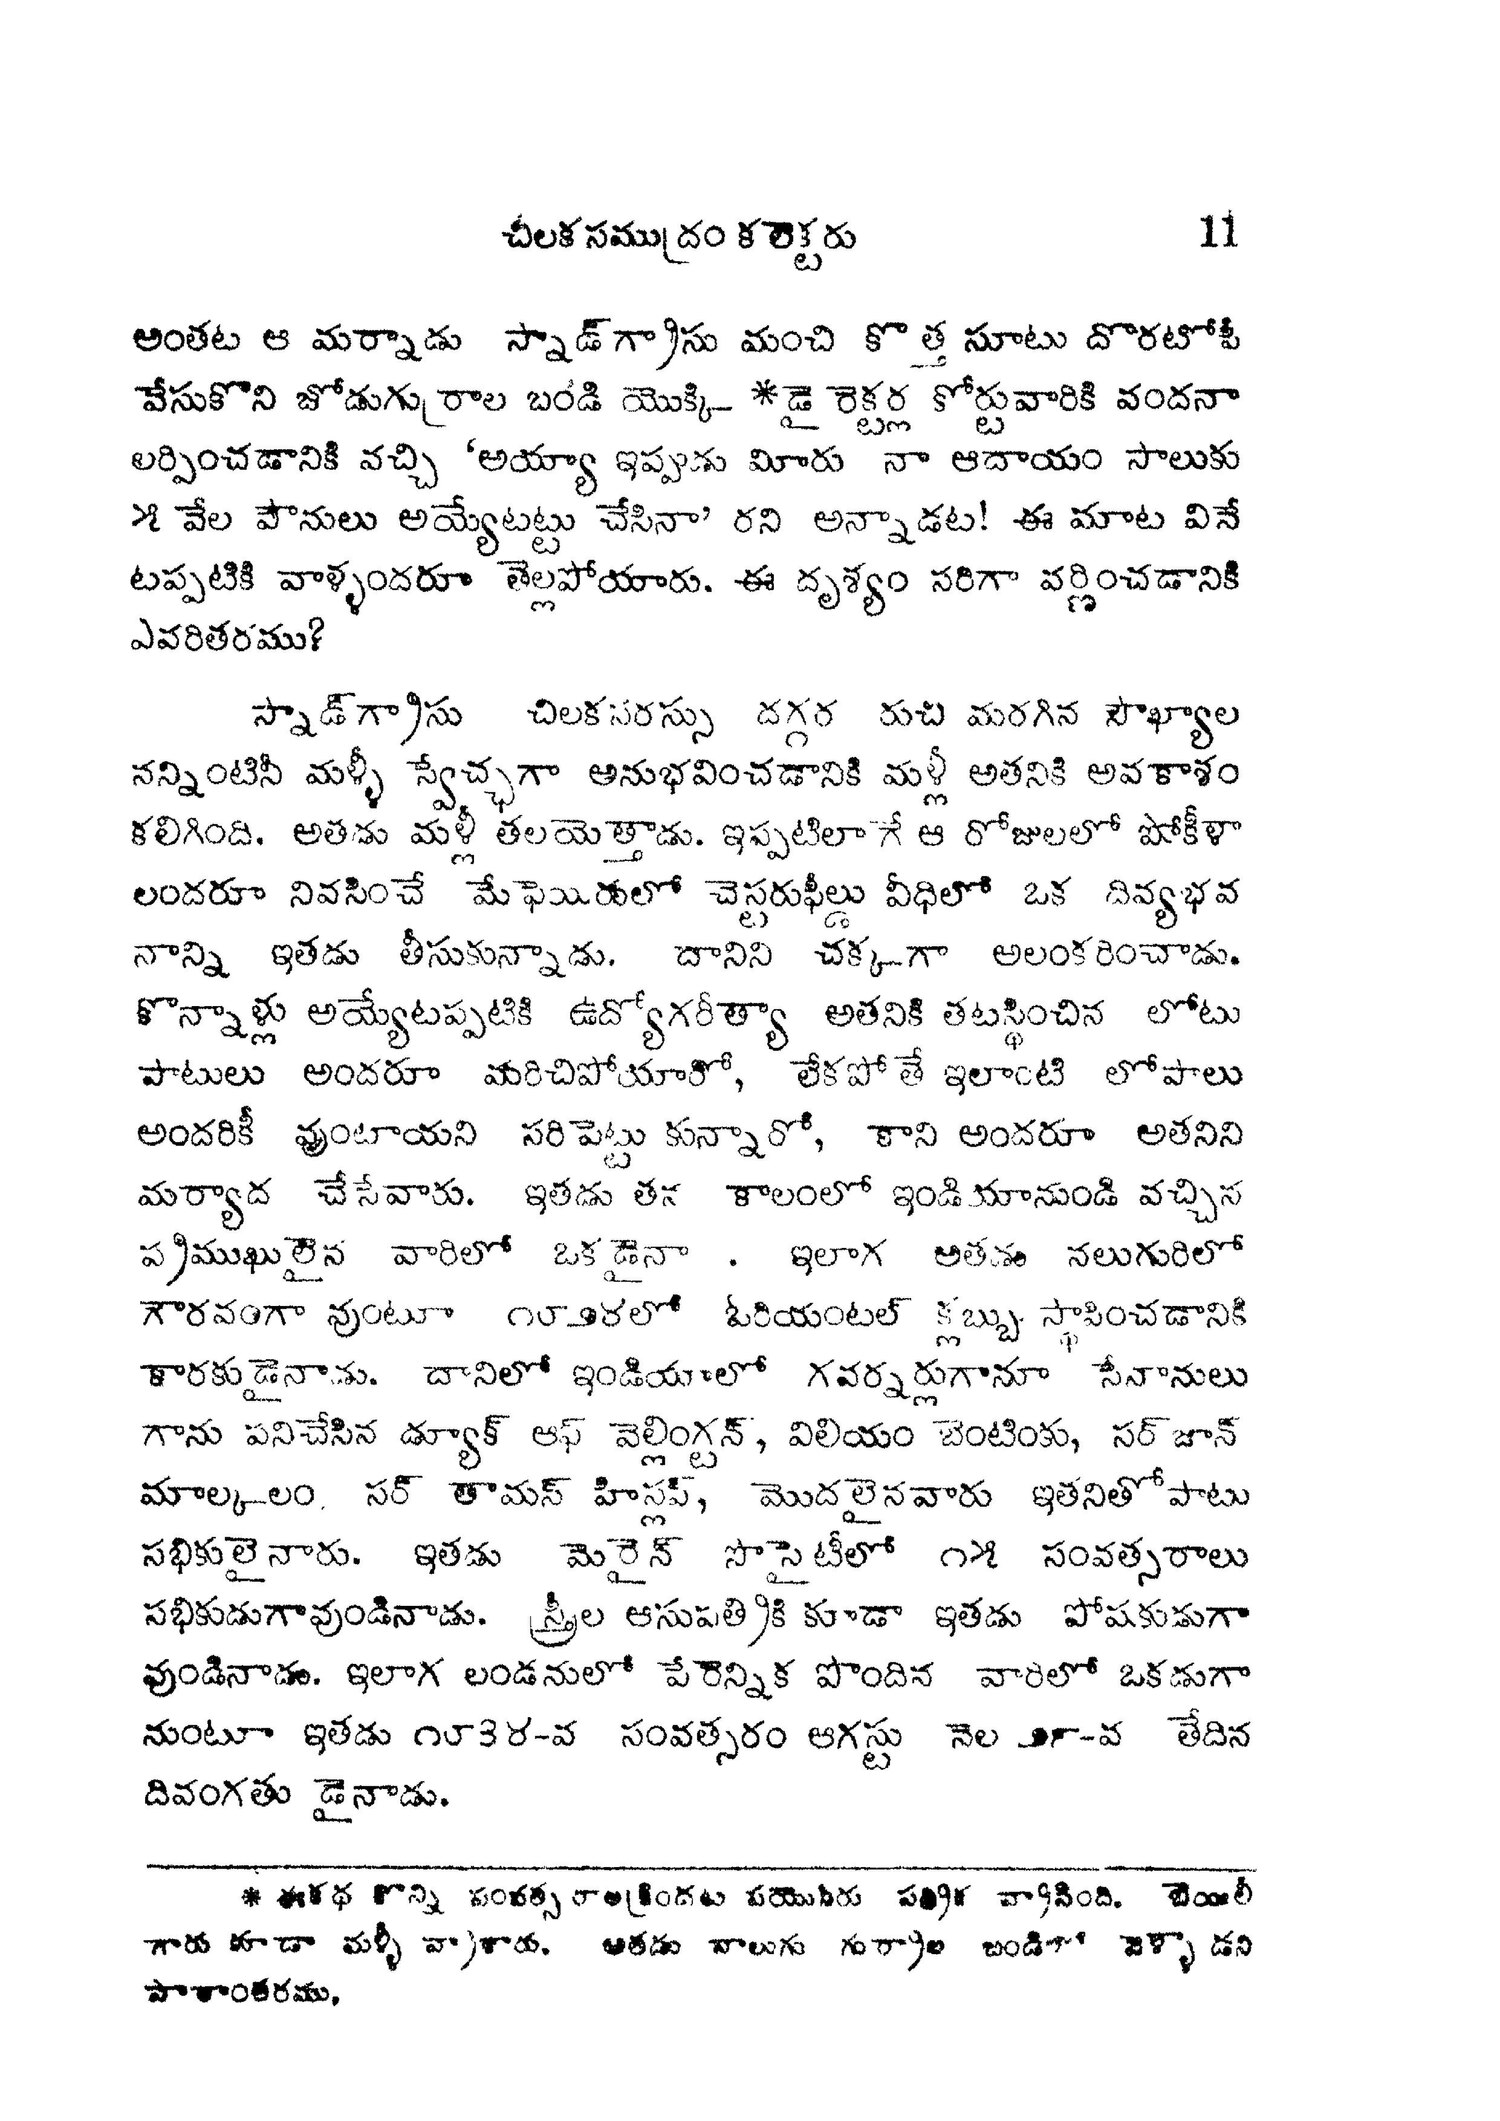అంతట ఆ మర్నాడు స్నాడ్ గ్రాసు నుంచి కొత్తసూటు దొరటోపీ వెసుకొని జోడుగుర్రాల బండి యెక్కి * డైరెక్టర్ల కోర్టువారికి వందనా లర్పించడానికి వచ్చి 'అయ్యా ఇప్పుడు మీరు నా ఆదాయం సాలుకు 5 వేల పౌనులు అయ్యేటట్టు చేసినా' రని అన్నాడట! ఈ మాట వినేటప్పటికి వాళ్ళందరూ తెల్లపోయారు. ఈదృశ్యం సరిగా వర్ణించడానికి ఎవరితరము? 

స్బాడ్ గ్రాస్ చిలకసరస్సు దగ్గర రుచి మరగిన సౌఖ్యాల నన్నింటినీ మళ్ళీ స్వేచ్చగా అనుభవించడానికి మళ్లీ అతనికి అవకాశం కలిగింది. అతడు మళ్లీ తలయెత్తాడు. ఇప్పటిలాగే ఆ రోజులలో షోకీళాలందరూ నివసించే మేఫెయిరులో చెస్టరుఫీల్దు వీధిలో ఒక దివ్యభవనాన్ని ఇతడు తీసుకున్నాడు. దానిని చక్కగా అలంకరించాడు. కొన్నాళ్లు అయ్యేటప్పటికి ఉద్యోగరీత్యా అతనికి తటస్థించిన లోటుపాటులు అందరూ మరిచిపోయారో, లేకపోతే ఇలాంటి లోపాలు అందరికీ వుంటాయని సరిపెట్టు కున్నారో, కాని అందరూ అతనిని మర్యాద చేసేవారు. ఇతడు తన కాలంలో ఇండియానుండి వచ్చిన ప్రముఖులైన వారిలో ఒకడైనా ఇలాగ అతడు నలుగురిలో గౌరవంగా వుంటూ 1824లో ఓరియంటల్ క్లబ్బు స్థాపించడానికి కారకులైనాడు. దానిలో ఇండియాలో గవర్నర్లుగానూ సేనానులు గానూ పనిచేసిన డ్యూక్ ఆఫ్ వెల్లింగ్టను, విలియం బెంటింగు, సర్ జాన్ మాల్కలం సర్ తామస్ హిన్లస్, మొదలైనవారు ఇతనితోపాటు సభికులైనారు. ఇతడు మెరైన్ సొసైటీలో 15 సంవత్సరాలు సభికుడుగావుండినాడు. స్త్రీల ఆసుపత్రికి కూడా ఇతదు పోషకుడుగా వుండినాడు. ఇలాగ లండనులో పేరెన్నిక పొందిన వారిలో ఒకడుగా నుంటూ ఇతడు 1834 వ సంవత్సరం ఆగస్టు నెల 29 వ తేదీన దివంగతుడైనాడు.